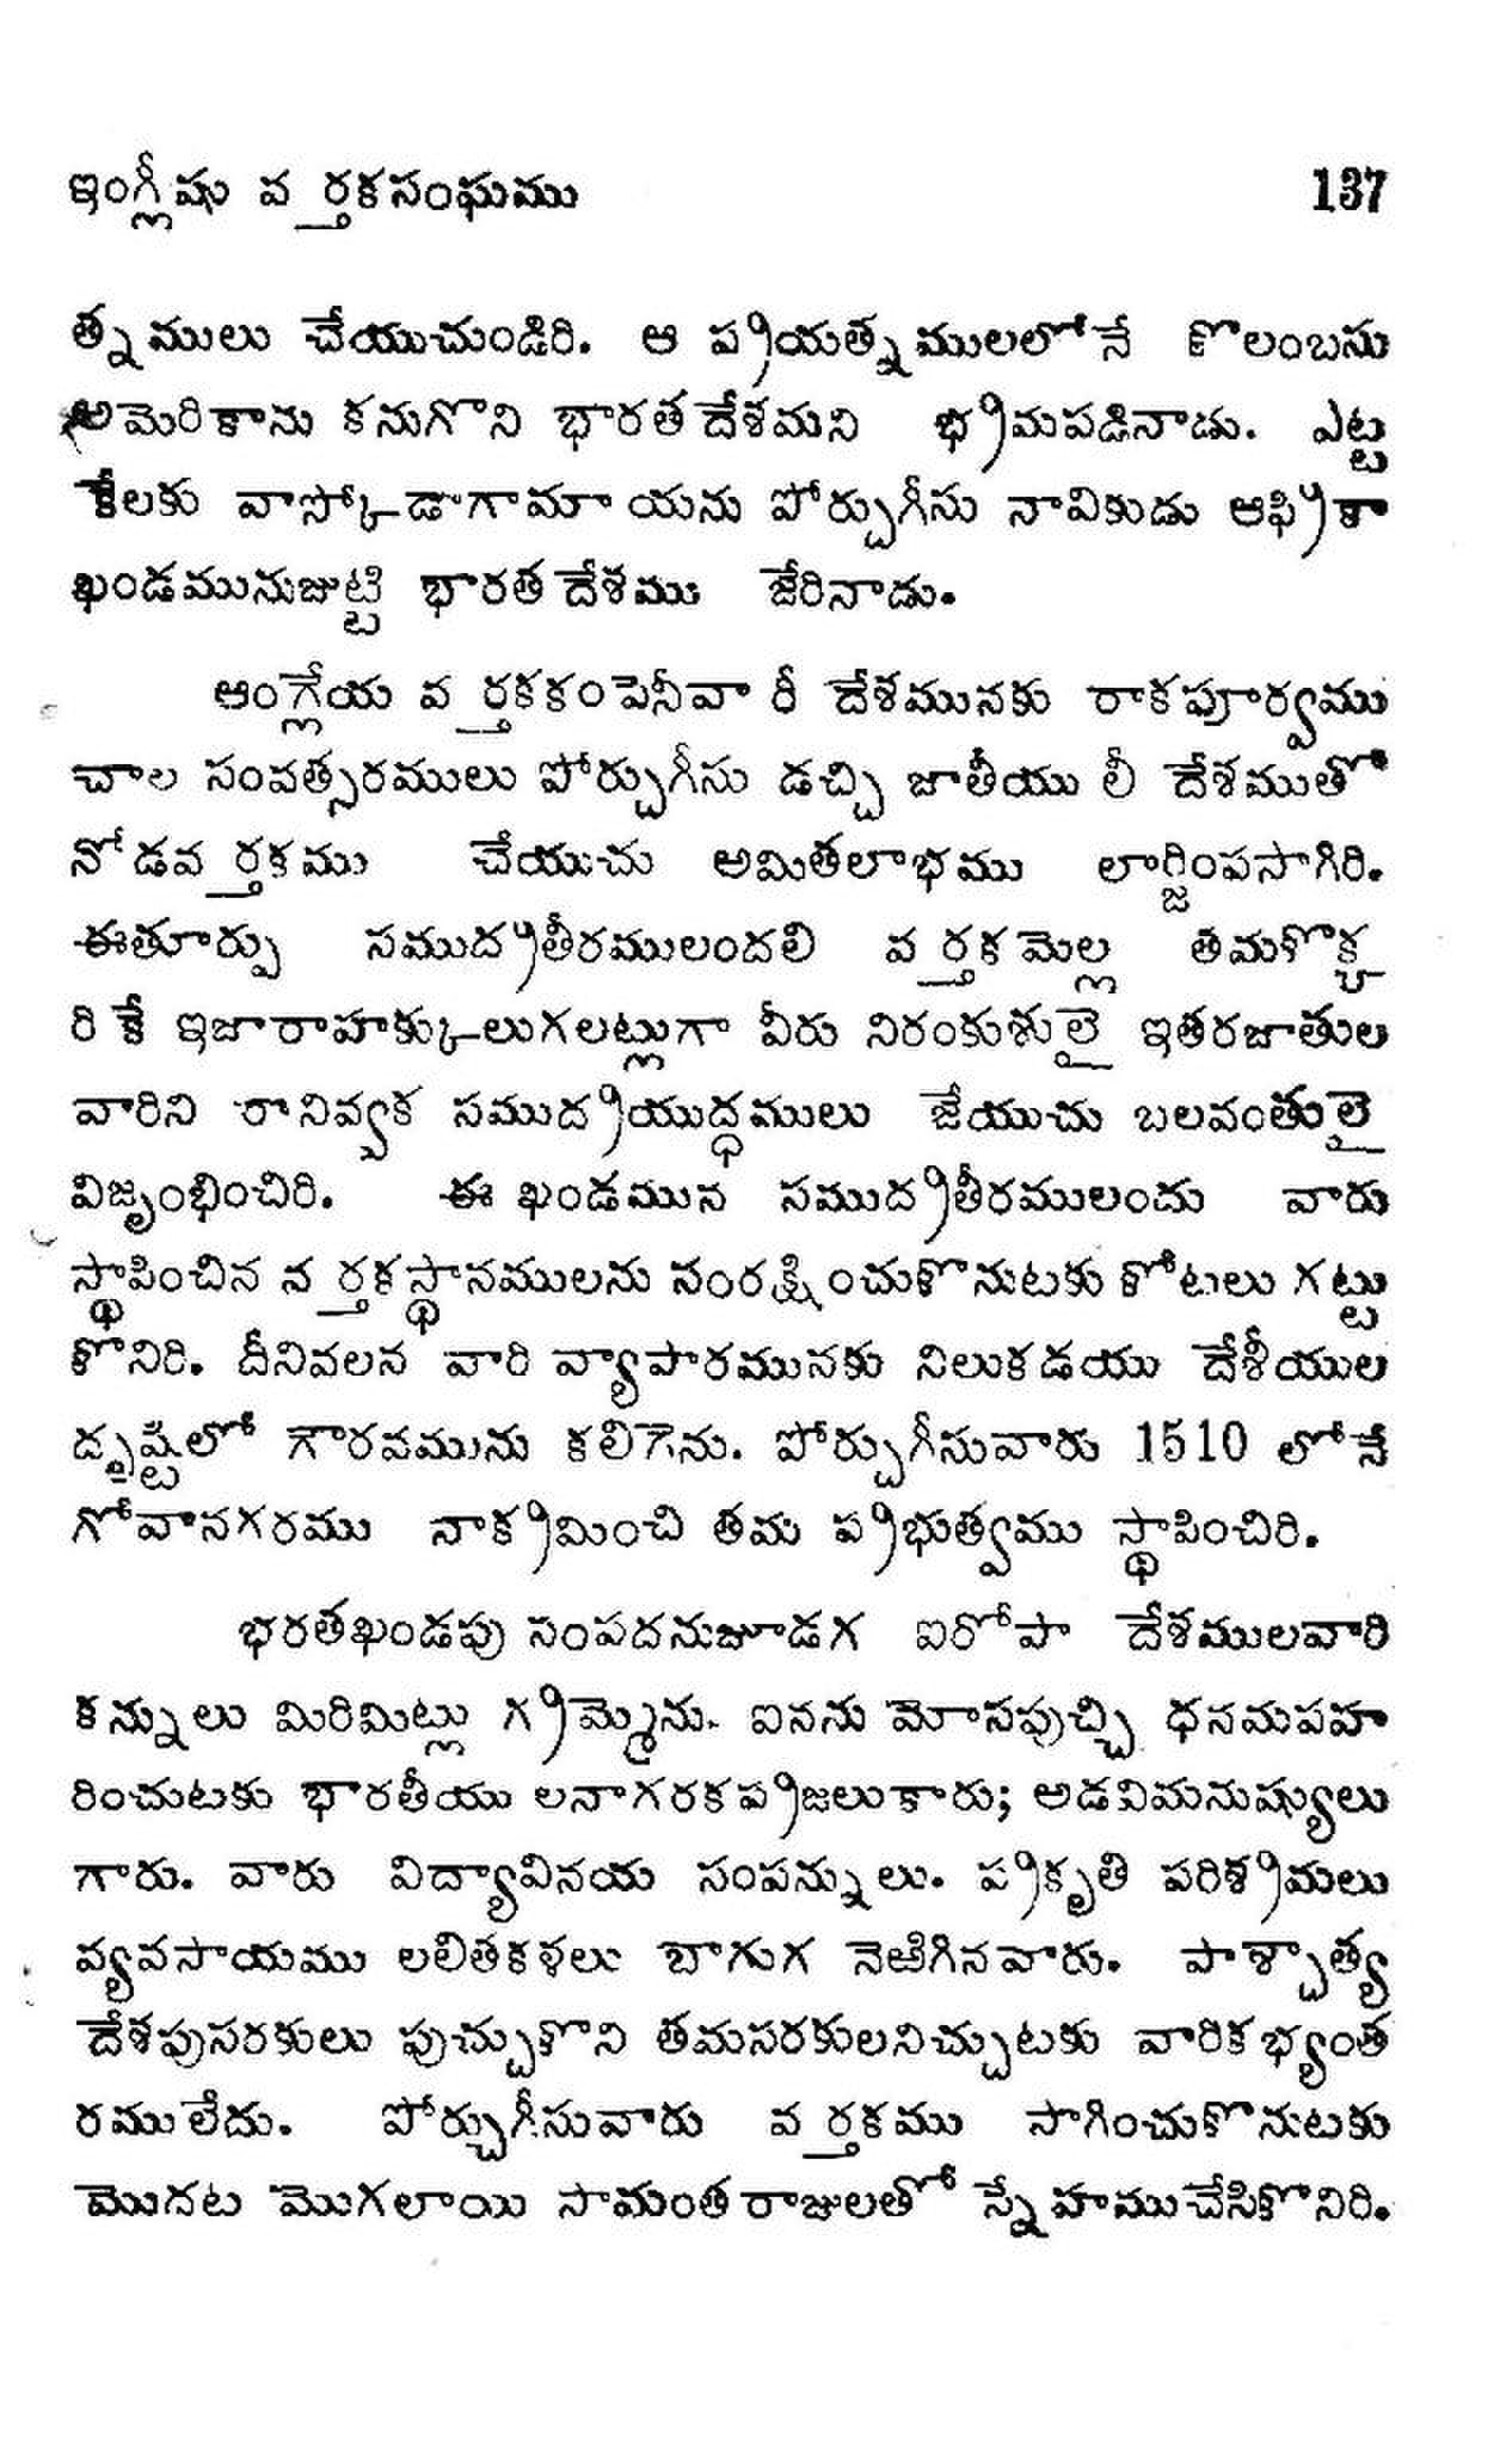త్నములు చేయుచుండిరి. ఆ ప్రయత్నములలోనే కొలంబసు అమెరికాను కనుగొని భారతదేశమని భ్రమపడినాడు. ఎట్టకేలకు వాస్కోడాగామా యను పోర్చుగీసు నావికుడు ఆఫ్రికా ఖండమునుజుట్టి భారతదేశము జేరినాడు.

ఆంగ్లేయ వర్తకకంపెనీవా రీ దేశమునకు రాకపూర్వము చాల సంవత్సరములు పోర్చుగీసు డచ్చి జాతీయు లీ దేశముతో నోడవర్తకము చేయుచు అమితలాభము లార్జింపసాగిరి. ఈతూర్పు సముద్రతీరములందలి వర్తకమెల్ల తమకొక్కరికే ఇజారాహక్కులుగలట్లుగా వీరు నిరంకుశులై ఇతరజాతుల వారిని రానివ్వక సముద్రయుద్ధములు జేయుచు బలవంతులై విజృంభించిరి. ఈ ఖండమున సముద్రతీరములందు వారు స్థాపించిన వర్తకస్థానములను సంరక్షించుకొనుటకు కోటలు గట్టుకొనిరి. దీనివలన వారి వ్యాపారమునకు నిలుకడయు దేశీయుల దృష్టిలో గౌరవమును కలిగెను. పోర్చుగీసువారు 1510 లోనే గోవానగరము నాక్రమించి తమ ప్రభుత్వము స్థాపించిరి.

భరతఖండపు సంపదనుజూడగ ఐరోపా దేశములవారి కన్నులు మిరిమిట్లు గ్రమ్మెను. ఐనను మోసపుచ్చి ధనమపహరించుటకు భారతీయు లనాగరకప్రజలుకారు; అడవిమనుష్యులు గారు. వారు విద్యావినయ సంపన్నులు. ప్రకృతి పరిశ్రమలు . వ్యవసాయము లలితకళలు బాగుగ నెఱిగినవారు. పాశ్చాత్య దేశపుసరకులు పుచ్చుకొని తమసరకులనిచ్చుటకు వారికభ్యంతరములేదు. పోర్చుగీసువారు వర్తకము సాగించుకొనుటకు మొదట మొగలాయి సామంతరాజులతో స్నేహముచేసికొనిరి.